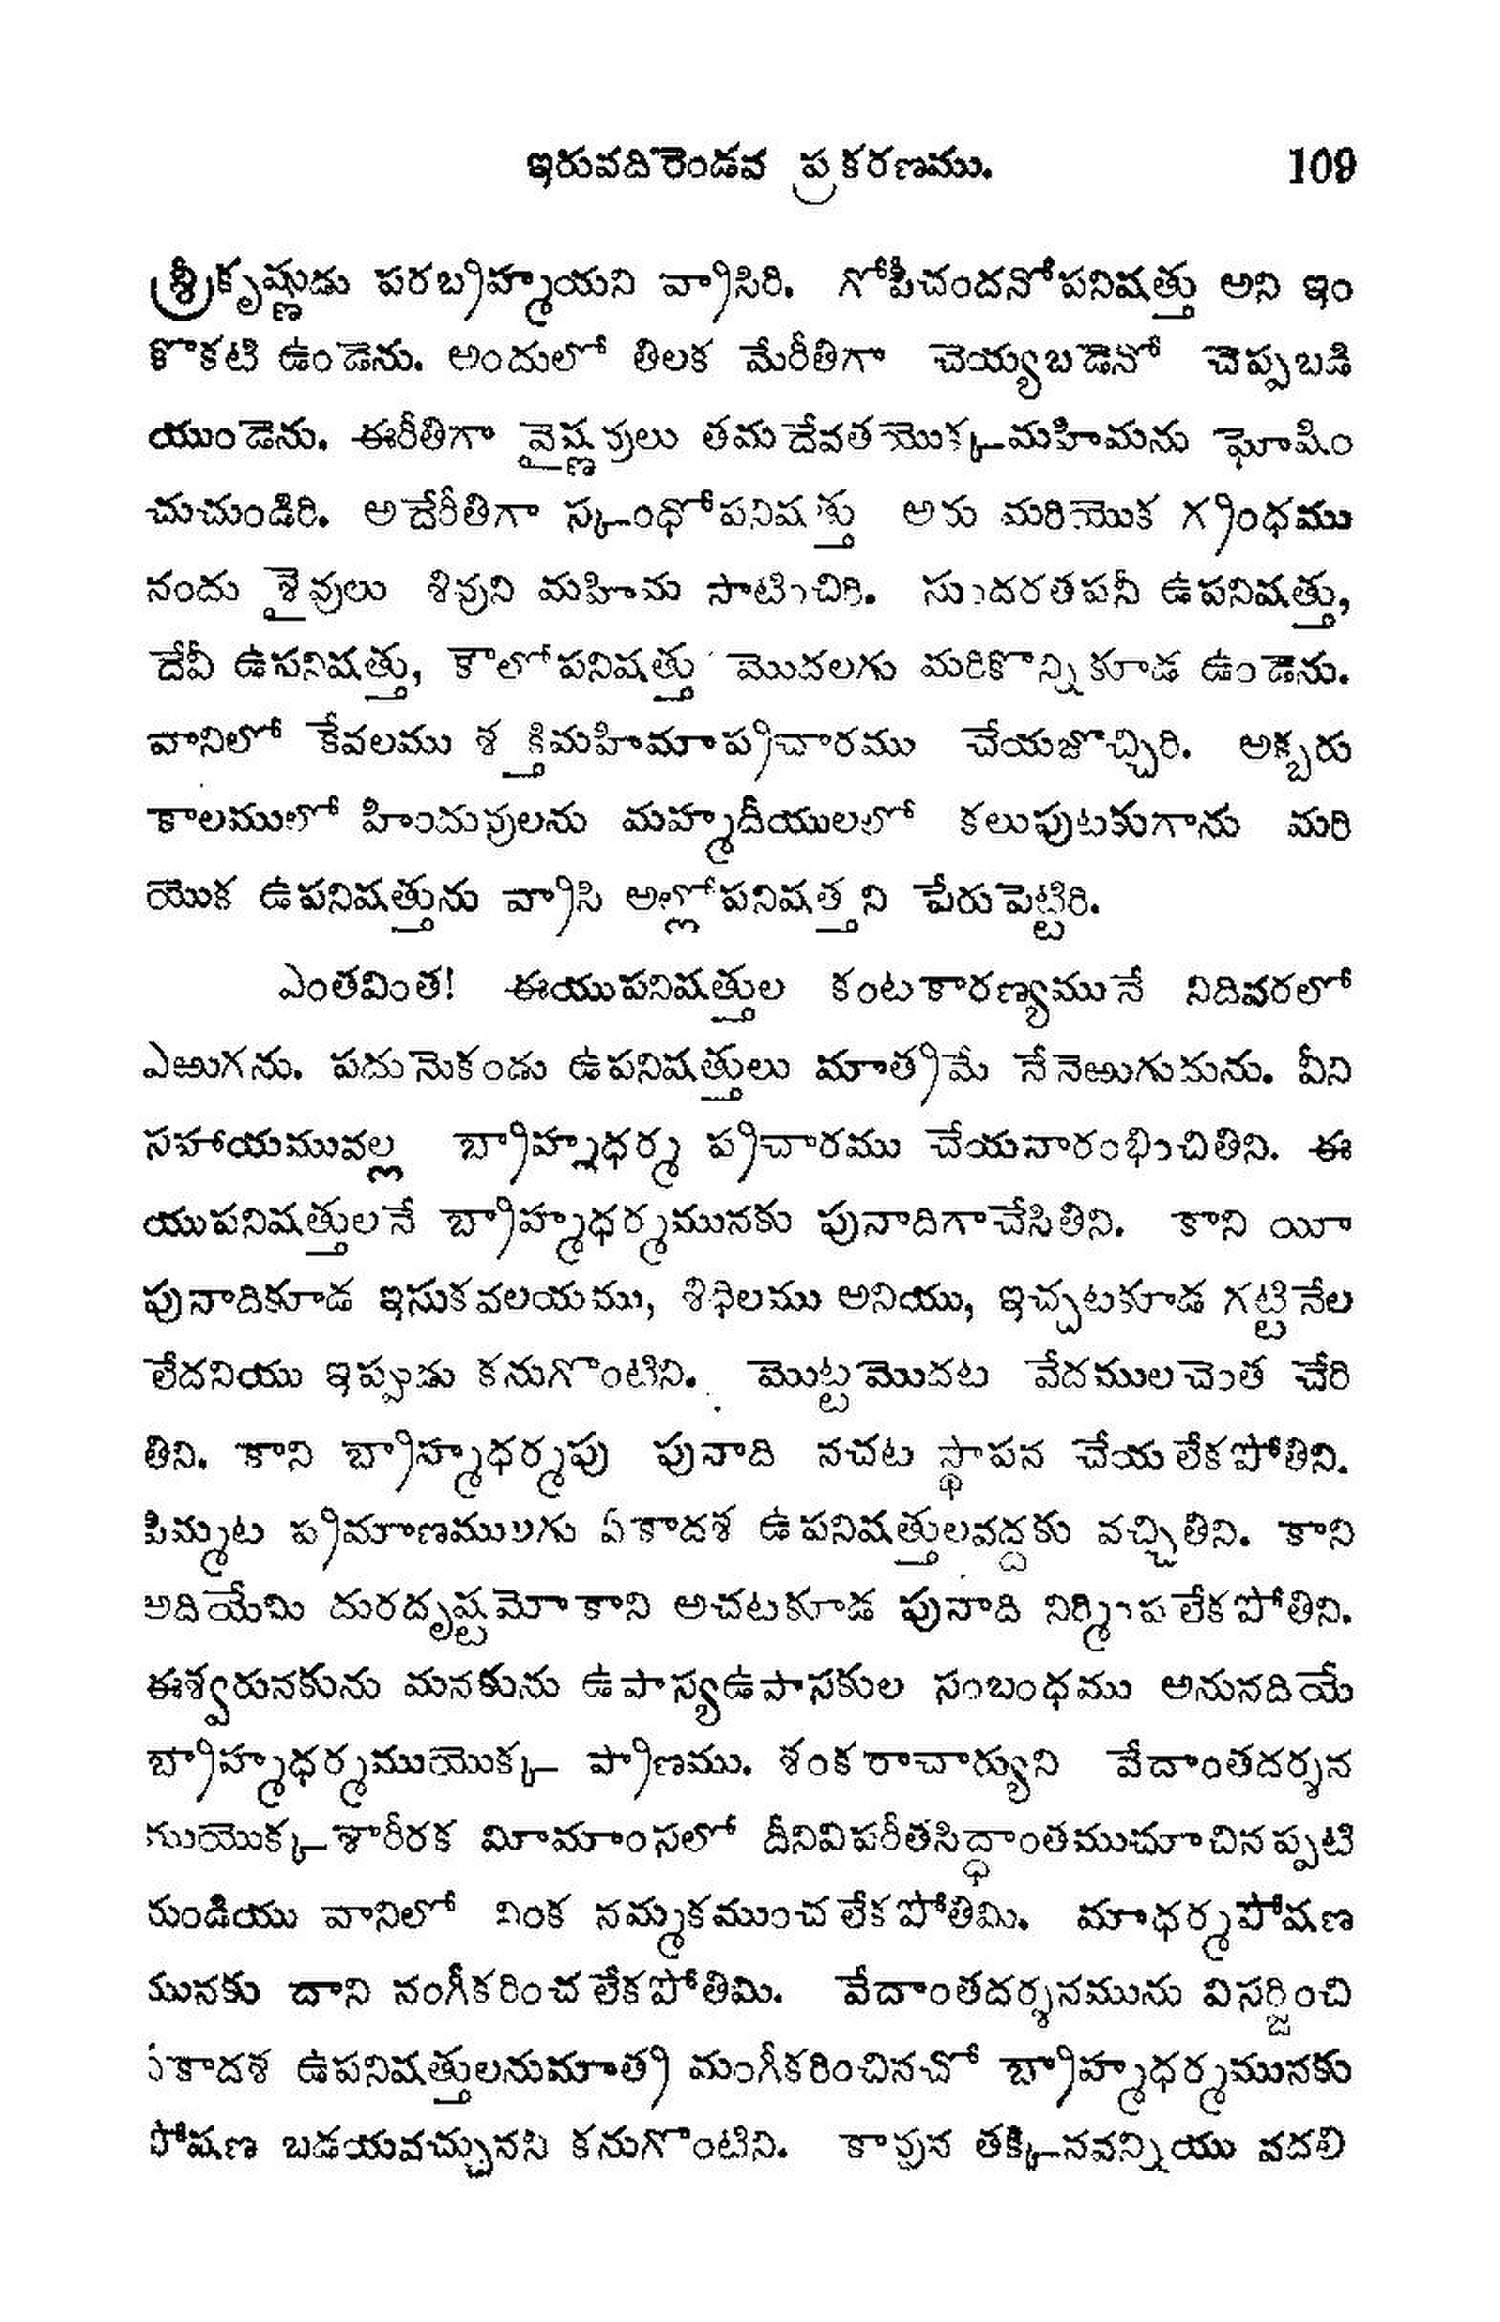శ్రీకృష్ణుడు పరబ్రహ్మయని వ్రాసిరి. గోపీ చందనోపనిషత్తు అని 
ఇంకొకటి ఉండెను. అందులో తిలక మేరీతిగా చేయ్యబడెనో చెప్పబడి
యుండెను. ఈరీతిగా వైష్ణవులు తమ దేవత యొక్క మహిమను 
ఘోషించుచుండిరి. అదేరీతిగా స్కంధోపనిషత్తు అను మరి యొక గ్రంధము
నందు శైవులు శివుని మహిమ సాటించిరి. సుదరతపనీ ఉపనిషత్తు,
దేవీ ఉపనిషత్తు, కౌలో పనిషత్తు మొదలగు మరికొన్ని కూడ ఉండెను.
వానిలో కేవలము శక్తి మహిమా ప్రచారము చేయజొచ్చిరి. అక్బరు
కాలములో హిందువులను మహ్మదీయులలో కలుపుటకు గాను మరి
యొక ఉపనిషత్తును వ్రాసి అల్లో పనిషత్తని పేరు పెట్టిరి.

ఎంతమిత! ఈ యుపనిషత్తుల కంటకారణ్యమునే నిదివరలో
ఎఱుగను. పదునెకండు ఉపనిషత్తులు మాత్రమే నే నెఱుగుదును. వీని
సహాయమువల్ల బాహ్నధర్మ ప్రచారము చేయనారంభిచితిని. ఈ
యుపనిషత్తులనే బాహ్మధర్మమునకు పునాదిగా చేసితిని. కాని యీ
పునాదికూడ ఇసుకవలయము, శిఫలము అనియు, ఇచ్చటకూడ గట్టి నేల
లేదనియు ఇప్పుడు కనుగొంటిని.. మొట్ట మొదట వేదముల చెంత
చేరితిని. కాని 'బాహ్మధర్మపు పునాది నచట స్థాపన చేయలేక పోతిని.
పిమ్మట ప్రమాణములగు ఏకాదశ ఉపనిషత్తుల వద్దకు వచ్చితిని. కాని
అది యేమి దురదృష్టమోకాని అచట కూడ పునాది నిర్మిప లేక పోతిని.
ఈశ్వరునకును మనకును ఉపాస్య ఉపాసకుల సంబంధము అనునదియే
బ్రహ్మధర్మము యొక్క ప్రాణము. శంకరాచార్యుని వేదాంతదర్శనము
యొక్క శారీరక మీమాంసలో దీని విపరీత సిద్ధాంతముచూచినప్పటి
కుండియు వానిలో ఇంక నమ్మకముంచ లేక పోతిమి. మాధర్మపోషణ
మునకు దాని నంగీకరించ లేక పోతిమి. వేదాంతదర్శనమును విసర్జించి
కాదళ ఉపనిషత్తులను మాత్ర మంగీకరించినచో బాహ్మధర్మమునకు
పోషణ బడయవచ్చునని కనుగొంటిని. కావున తక్కినవన్నియు వదలి